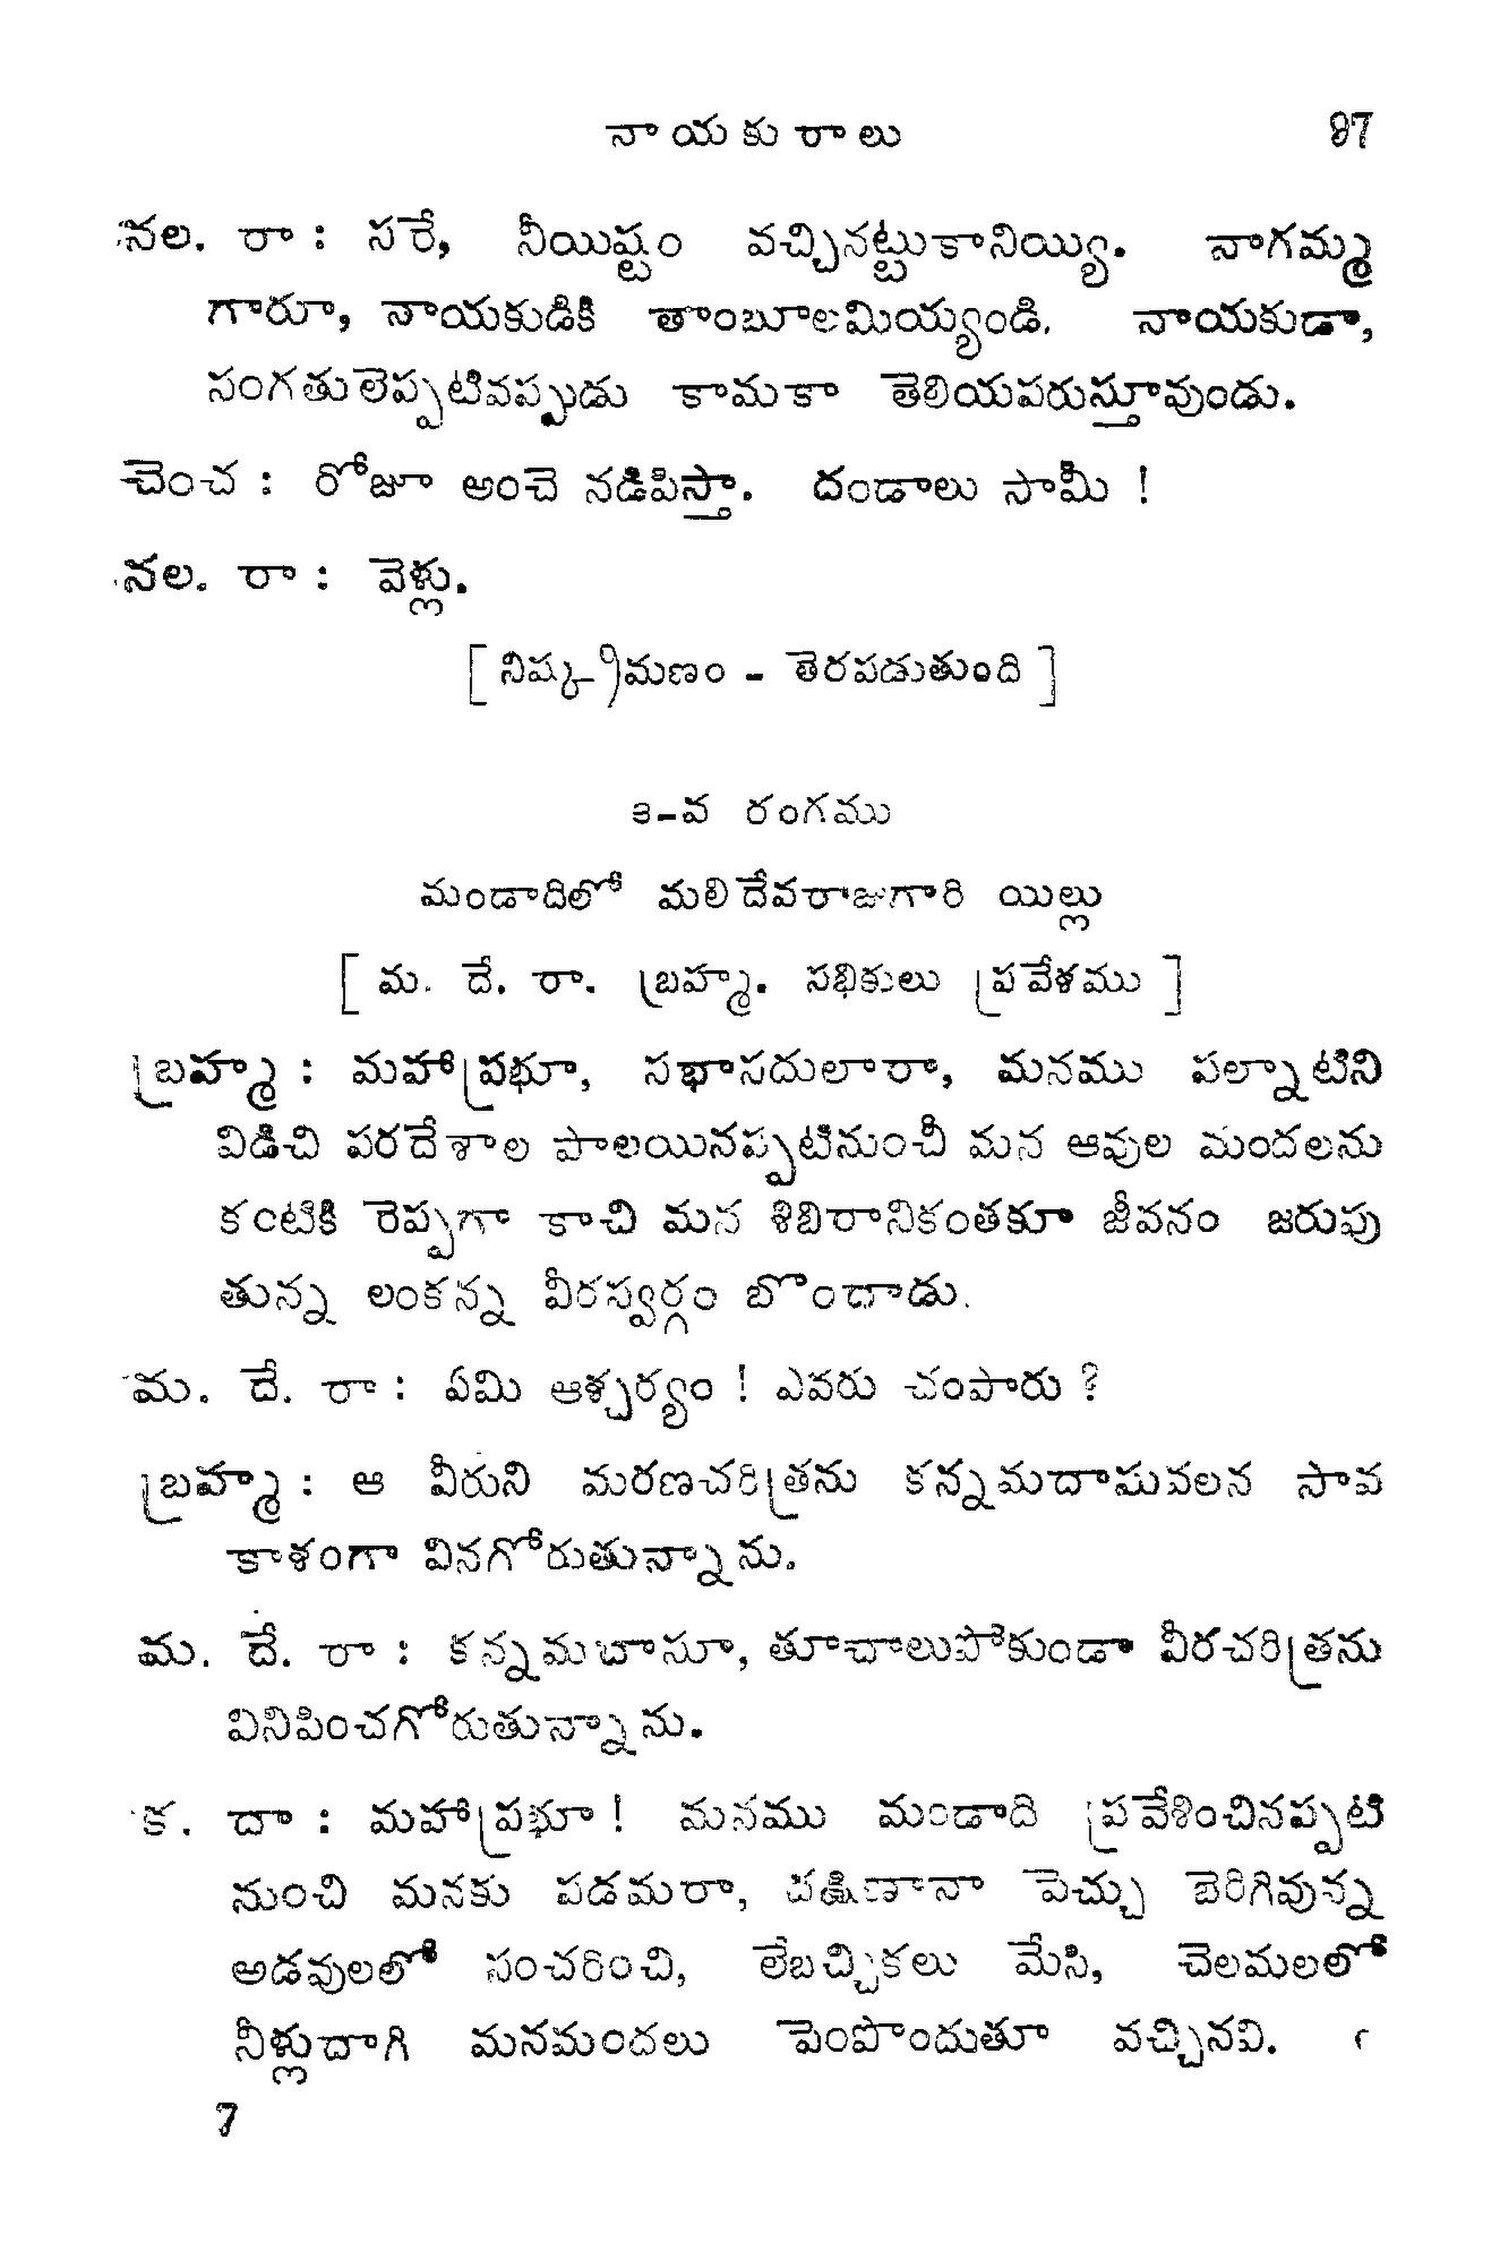నల. రా : సరే, నీయిష్టం వచ్చినట్టుకానియ్యి. నాగమ్మగారూ, నాయకుడికి తాంబూలమియ్యండి.
నాయకుడా, సంగతులెప్పటివప్పుడు కామకా తెలియపరుస్తూవుండు.

చెంచ : రోజూ అంచె నడిపిస్తా. దండాలు సామీ !

నల. రా: వెళ్లు.

బ్రహ్మ : మహాప్రభూ, సభాసదులారా, మనము పల్నాటిని విడిచి పరదేశాల పాలయినప్పటినుంచీ మన ఆవుల మందలను కంటికి రెప్పగా కాచి మస శిబిరానికంతకూ జీవనం జరుపుతున్న లంకన్న వీరస్వర్గం బొందాడు.

మ. దే. రా : ఏమి ఆశ్చర్యం ! ఎవరు చంపారు ?

బ్రహ్మ : ఆ వీరుని మరణచరిత్రను కన్నమదాసువలన సావకాశంగా వినగోరుతున్నాను.

మ. దే. రా : కన్నమబాసూ, తూచాలుపోకుండా వీరచరిత్రను వినిపించగోరుతున్నాను.

క. దా : మహాప్రభూ ! మనము మండాది ప్రవేశించినప్పటి నుంచి మనకు పడమరా, దక్షిణానా పెచ్చు బెరిగివున్న అడవులలో సంచరించి, లేబచ్చికలు మేసి, చెలమలలో నీళ్లుదాగి మనమందలు
పెంపొందుతూ వచ్చినవి.